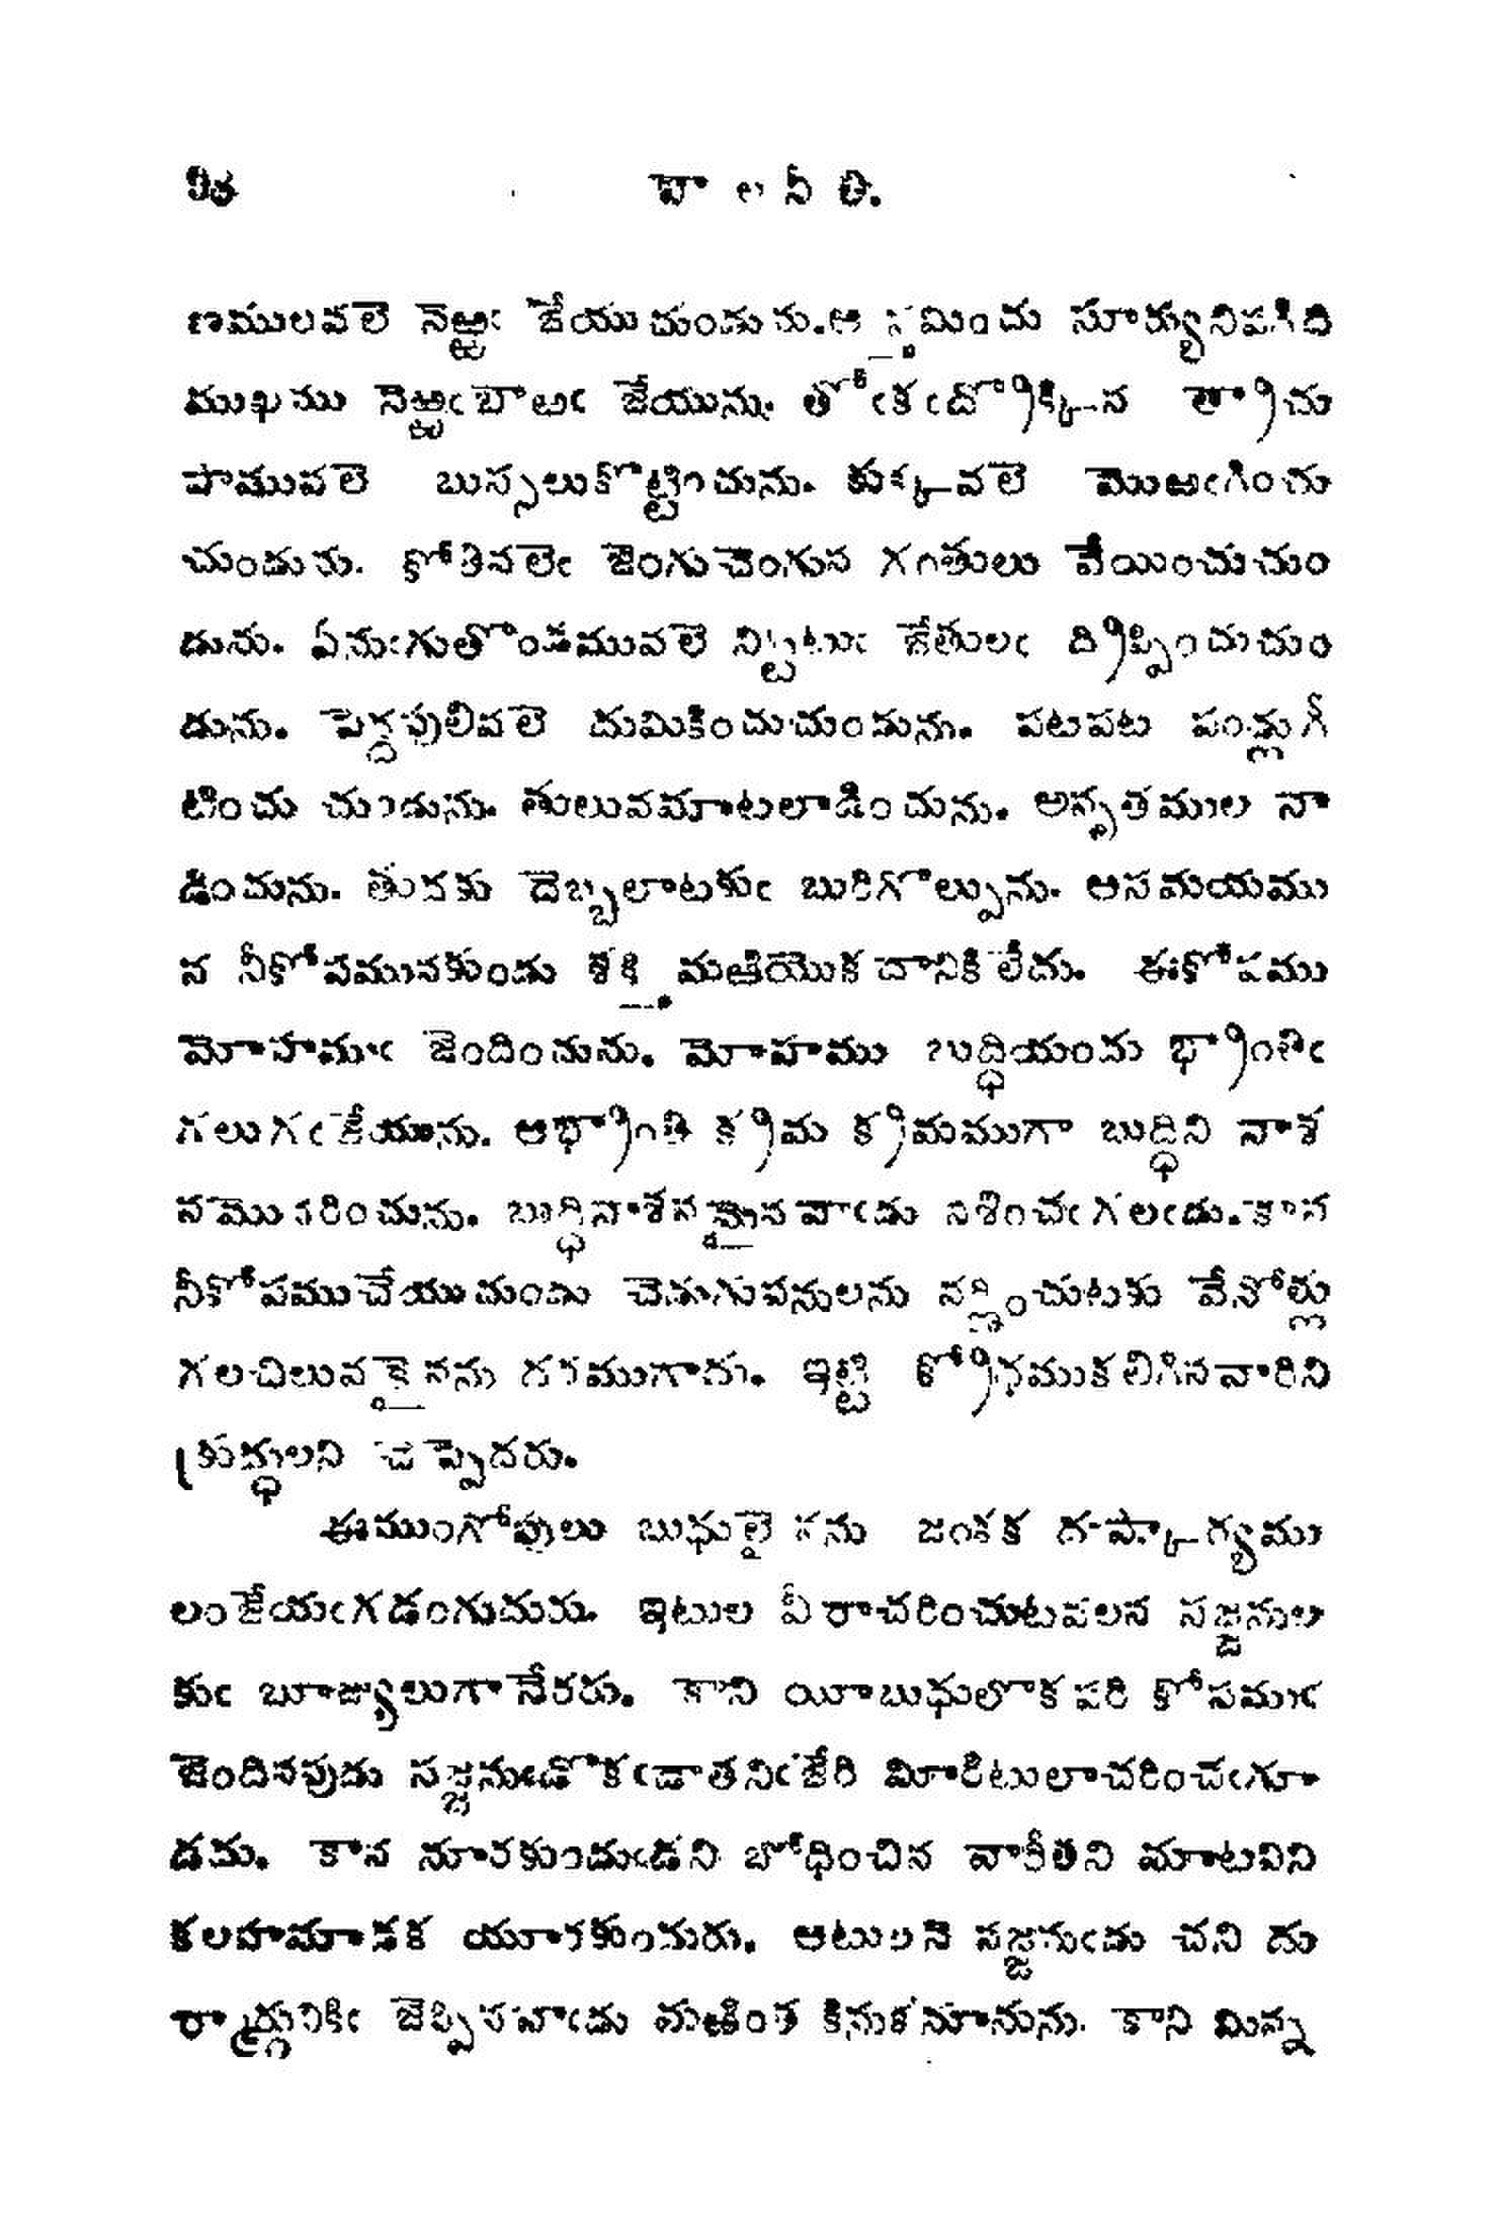ణములవలె నెఱ్ఱఁ జేయుచుండును. అస్తమించు సూర్యునిపగిది
ముఖము నెఱ్ఱఁబాఱఁ జేయును. తోఁకఁద్రొక్కిన త్రాచు
పామువలె బుస్సలుకొట్టించును. కుక్కవలె మొఱఁగించు
చుండును. కోతివలెఁ జెంగుచెంగున గంతులు వేయించుచుం
డును. ఏనుఁగుతొండమువలె నిట్టటుఁ జేతులఁ ద్రిప్పించుచుం
డును. పెద్దపులివలె దుమికించుచుండును. పటపట పండ్లుగీ
టించు చుండును. తులువమాటలాడించును. అనృతముల నా
డించును. తుదకు దెబ్బలాటకుఁ బురిగొల్పును. ఆసమయము
న నీకోపమునకుండు శక్తిమఱియొకదానికిలేదు. ఈకోపము 
మోహముఁ జెందించును. మోహము బుద్ధియందు భ్ర్రాంతిఁ
గలుగఁజేయును. ఆభ్రాంతి క్రమ క్రమముగా బుద్ధిని నాశ
నమొనరించును. బుద్ధినాశనమైనవాఁడు నశించఁగలడు. కాన 
నీకోపముచేయుచుండు చెడుగుపనులను వర్ణించుటకు వేనోళ్లు 
గలచిలువకైనను దరముగాదు. ఇట్టి క్రోధముకలిగినవారిని 
క్రుద్ధులని చెప్పెదరు.

ఈముంగోపులు బుధులైనను జంకక దుష్కార్యము
లంజేయఁగడంగుదురు. ఇటుల వీరాచరించుటవలన సజ్జనుల
కుఁ బూజ్యలుగానేరరు. కాని యీబుధులొకపరి కోపముఁ 
జెందినపుడు సజ్జనుఁడొకఁడాతనిఁజేరి మీరిటులాచరించఁగూ
డదు. కాన నూరకుండుఁడని బోధించిన వారీతని మాటవిని 
కలహమాడక యూరకుందురు. అటులనె సజ్జనుఁడు చని దు
ర్మార్గునికిఁ జెప్పినవాఁడు మఱింత కినుకనూనును. కాని మిన్న